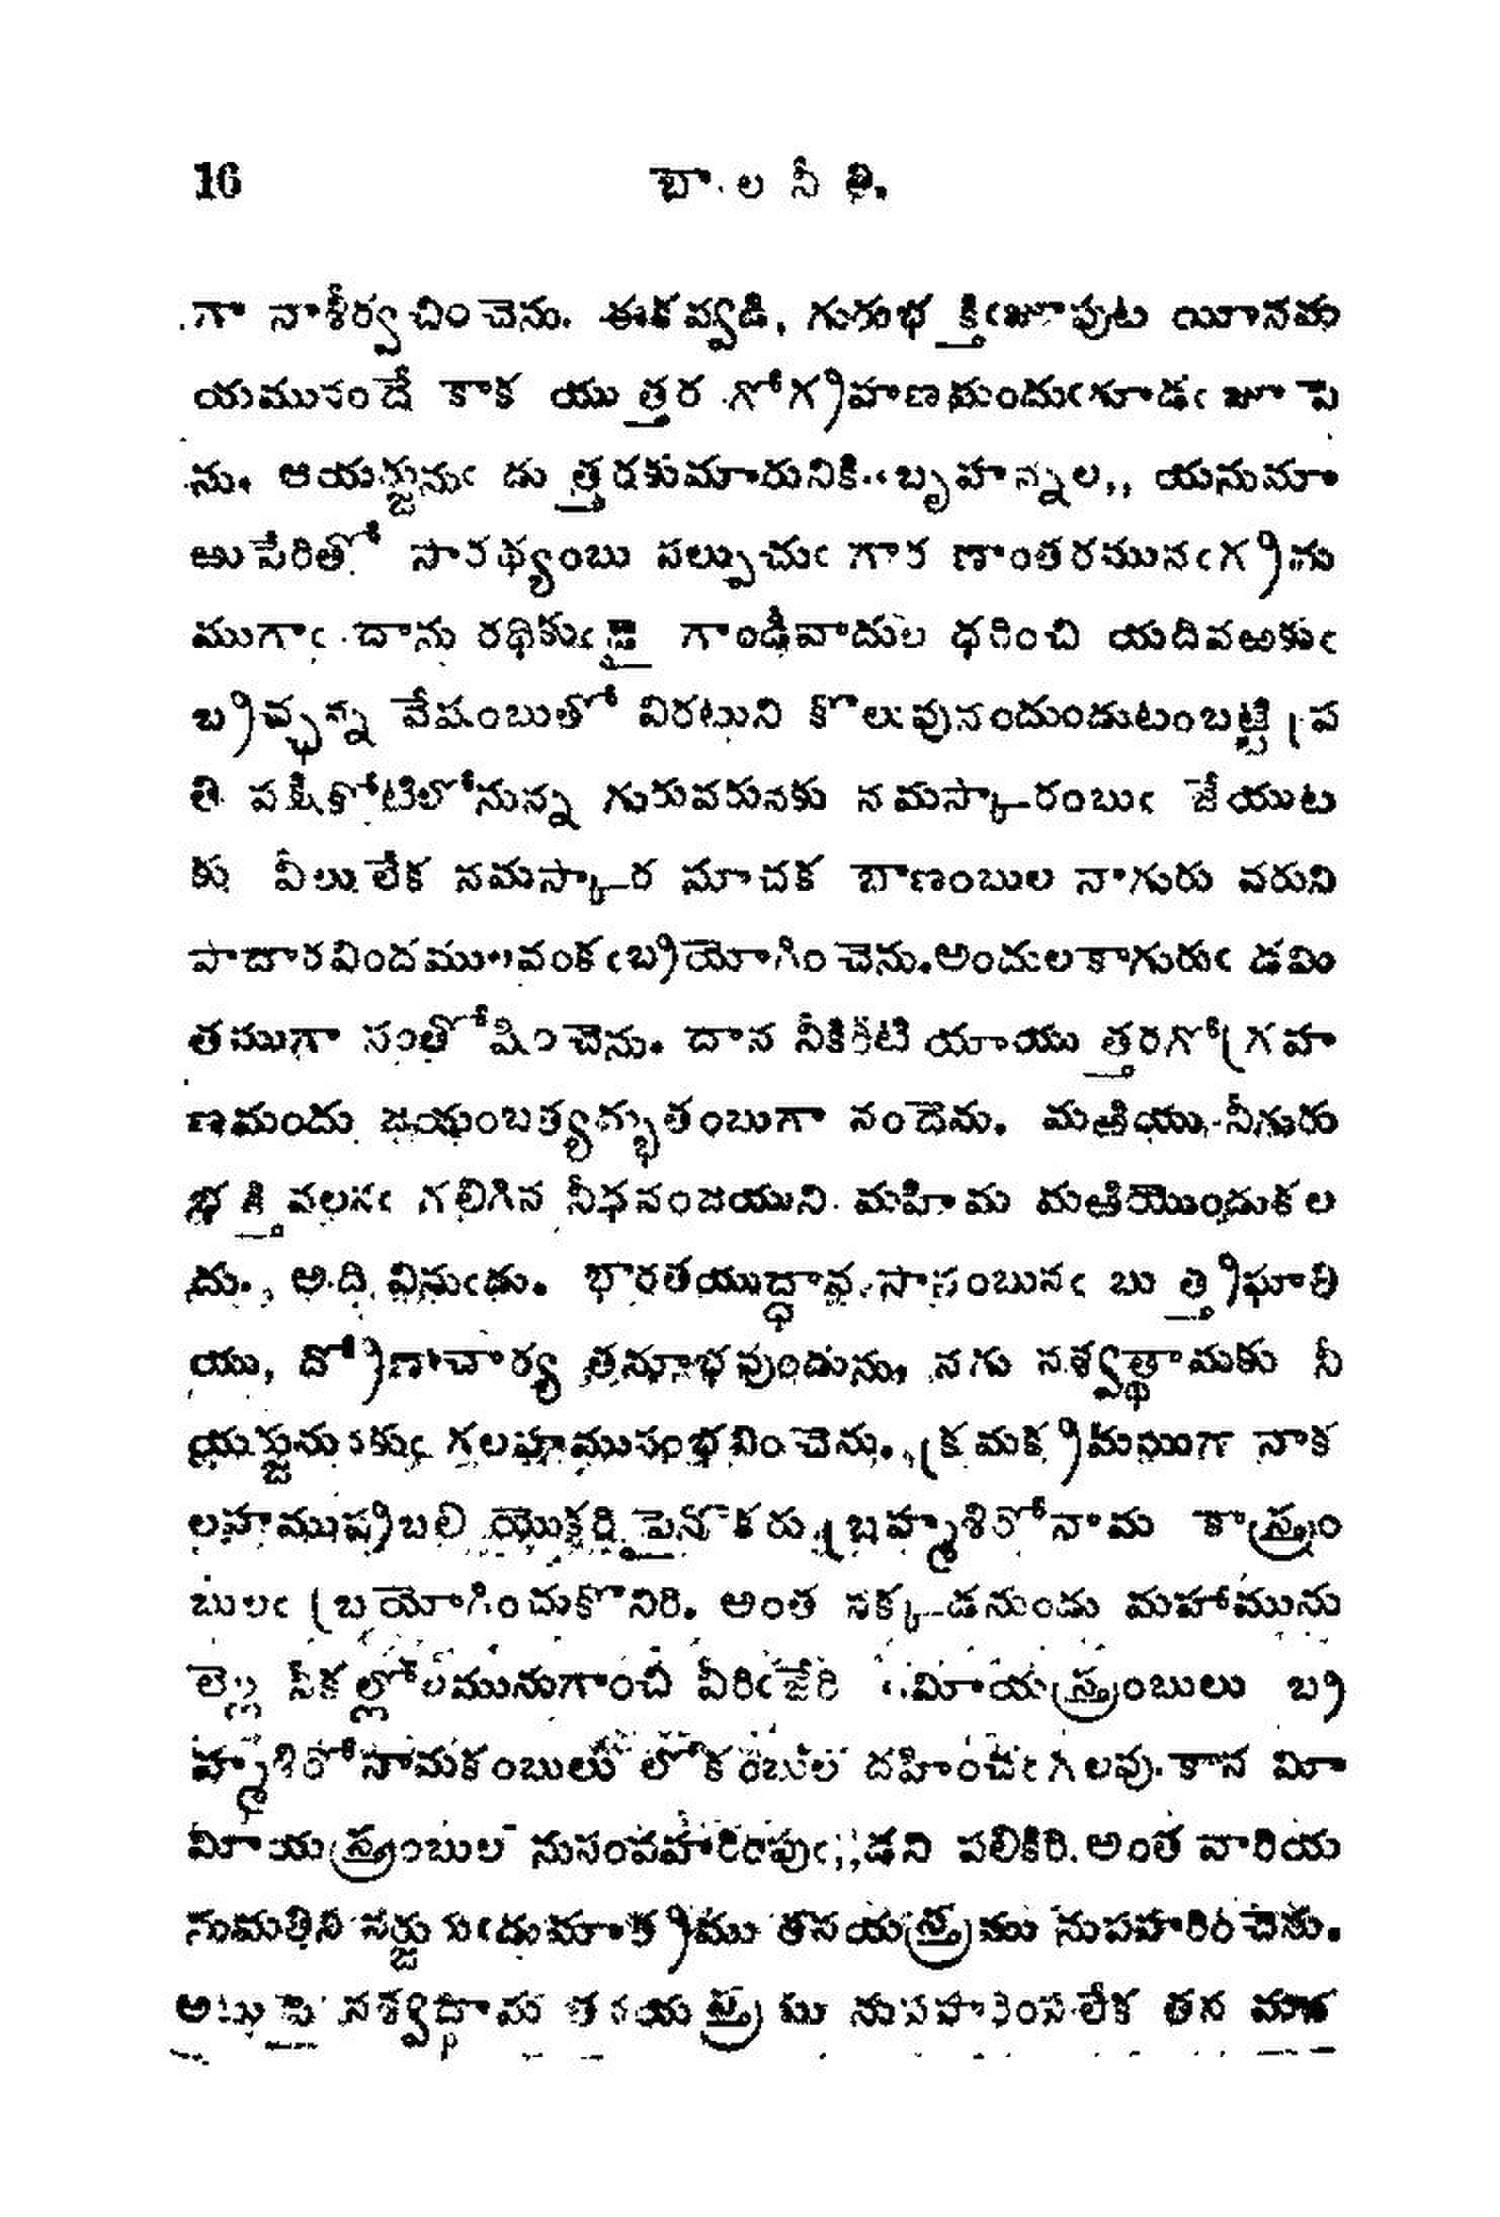గా నాశీర్వదించెను. ఈకవ్వడి, గురుభక్తిఁజూపుట యీసమ
యమునందే కాక యుత్తర గోగ్రహణమందుఁగూడఁ జూపె
ను. ఆయర్జునుఁ డుత్తరకుమారునికి "బృహన్నల" యనుమా
ఱుపేరుతో సారథ్యంబు సల్పుచుఁ గారణాంతరమునఁగ్రమ
ముగాఁ దాను రథికుఁడై గాండీవాదుల ధరించి యదివఱకుఁ 
బ్రచ్ఛన్న వేషంబుతో విరటుని కొలువునందుండుటంబట్టి ప్ర
తి పక్షికోటిలోనున్న గురువరునకు నమస్కారంబుఁ జేయుట
కు వీలులేక నమస్కార సూచక భాణంబుల నాగురు వరుని 
పాదారవిందములవంకఁబ్రయోగించెను. అందులకాగురుఁ డమి
తముగా సంతోషించెను. దాన నీకిరీటి యాయుత్తరగోగ్రహ
ణమందు జయంబత్యద్భుతంబుగా నందెను. మఱియు నీగురు
భక్తివలనఁ గలిగిన నీధనంజయుని మహిమ మఱియొండుకల
దు. అది వినుఁడు, భారతయుద్దాన సానంబున బుత్త్రఘాతి
యు, ద్రోణాచార్య తనూభవుండును, నగు నశ్వత్థామకు నీ
యర్జునునకుఁ గలహముసంభవించెను. క్రమక్రమముగా నాక
లహముప్రబలి యొకరిపైనొకరు బ్రహ్మశిరోనామ కాస్త్రం
బులఁ బ్రయోగించుకొనిరి. అంత నక్కడనుండు మహామును
లెల్ల నీకల్లోలమునుగాంచి వీరిఁజేరి "మీయస్త్రంబులు బ్ర
హ్మశిరోనామకంబులు లోకంబుల దహించఁగలవు. కాన మీ 
మీయస్త్రంబుల నుపసంహరింపుఁ" డని పలికిరి. అంత వారియ
నుమతిని నర్జునుఁడుమాత్రము తనయస్త్రము నుపహరించెను. 
అటుపై నశ్వద్ధామ తన యస్త్రము నుపసంహరింపలేక తన మన